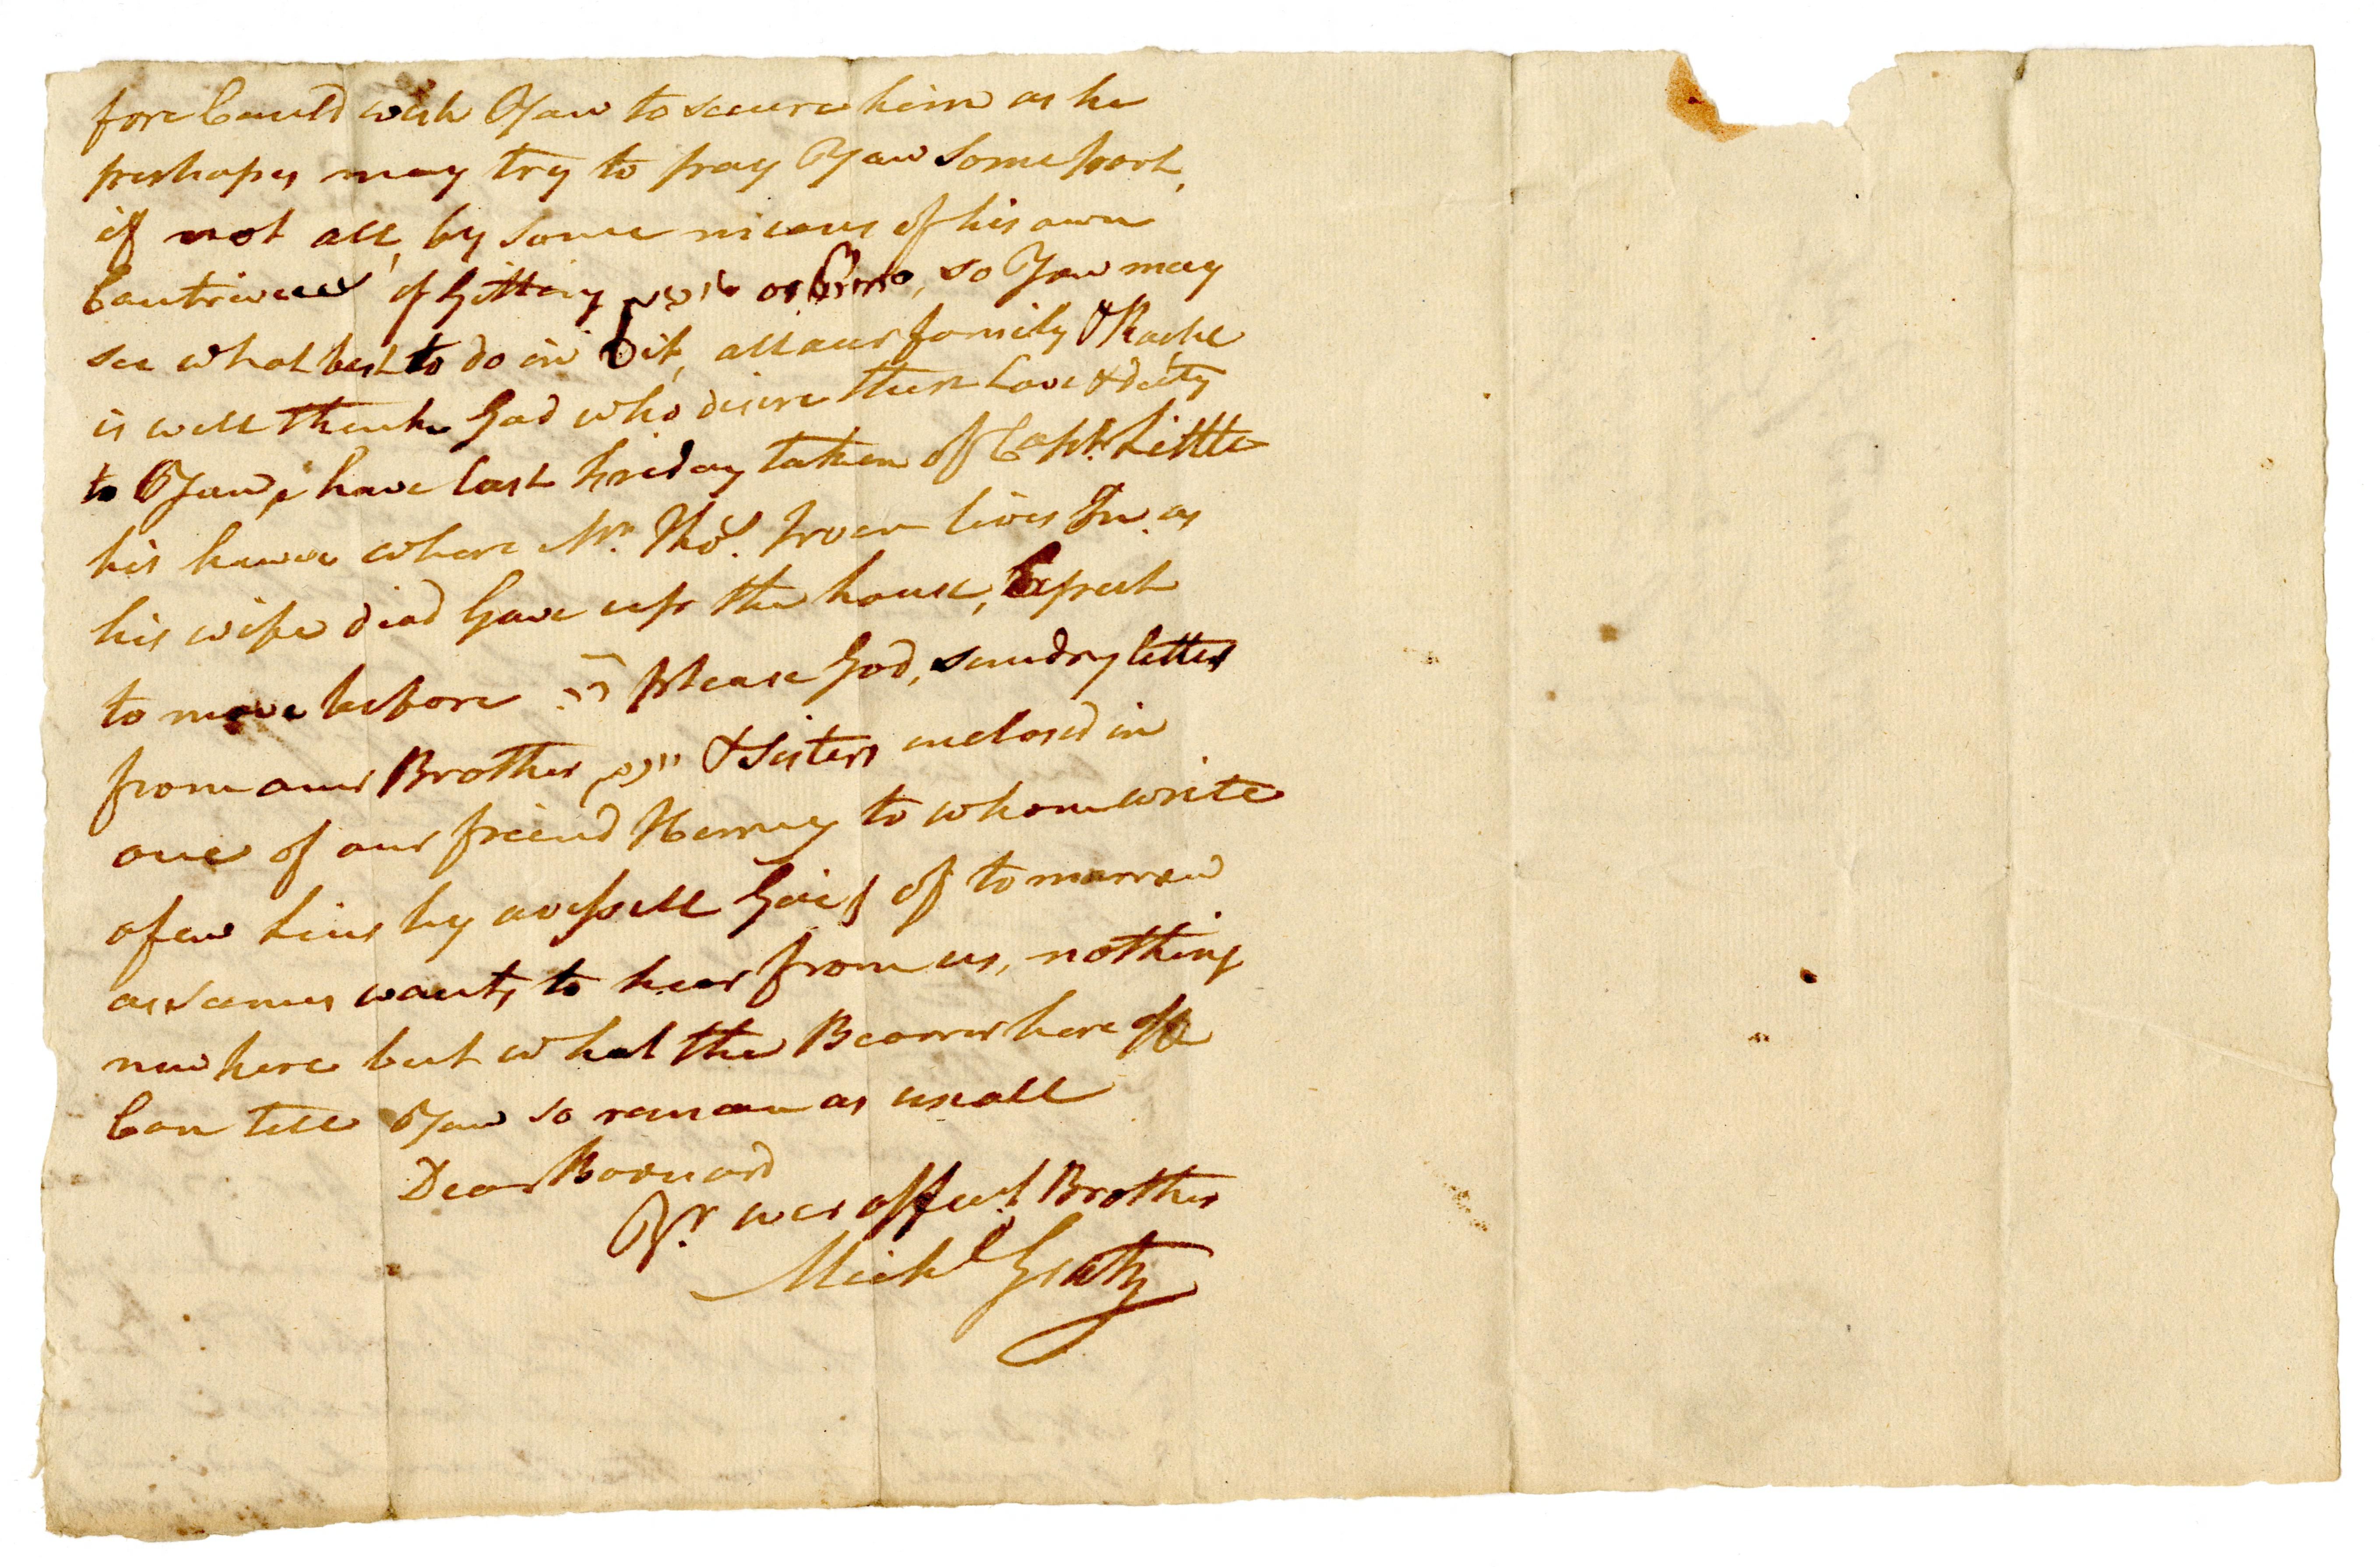fore Could wish you to secure him as he
perhaps may try to pay you Some part
if not all by Some risons of his own
Cautionally of Getting [_____] [____] so you may
see what but to do in it, all our family & Rachel
is well thank God who desire ther love & duty
to you have last friday taken of Cap^t. Little
his house where M^r Tho^s Fruen lives he as
his wife died Gave up the house, Expect
to move before- please God, sundry letter
from our Brothers & Sisters inclosed in
one of our friend Money to whom write
a few lines by a vessell Going of tomorrow
as Some want to hear from us, nothing
new here but what the Bearer here off
Can tell you so remain as usuall
Dear Barnard
Y^r very affect Brother
Mich^l Gratz